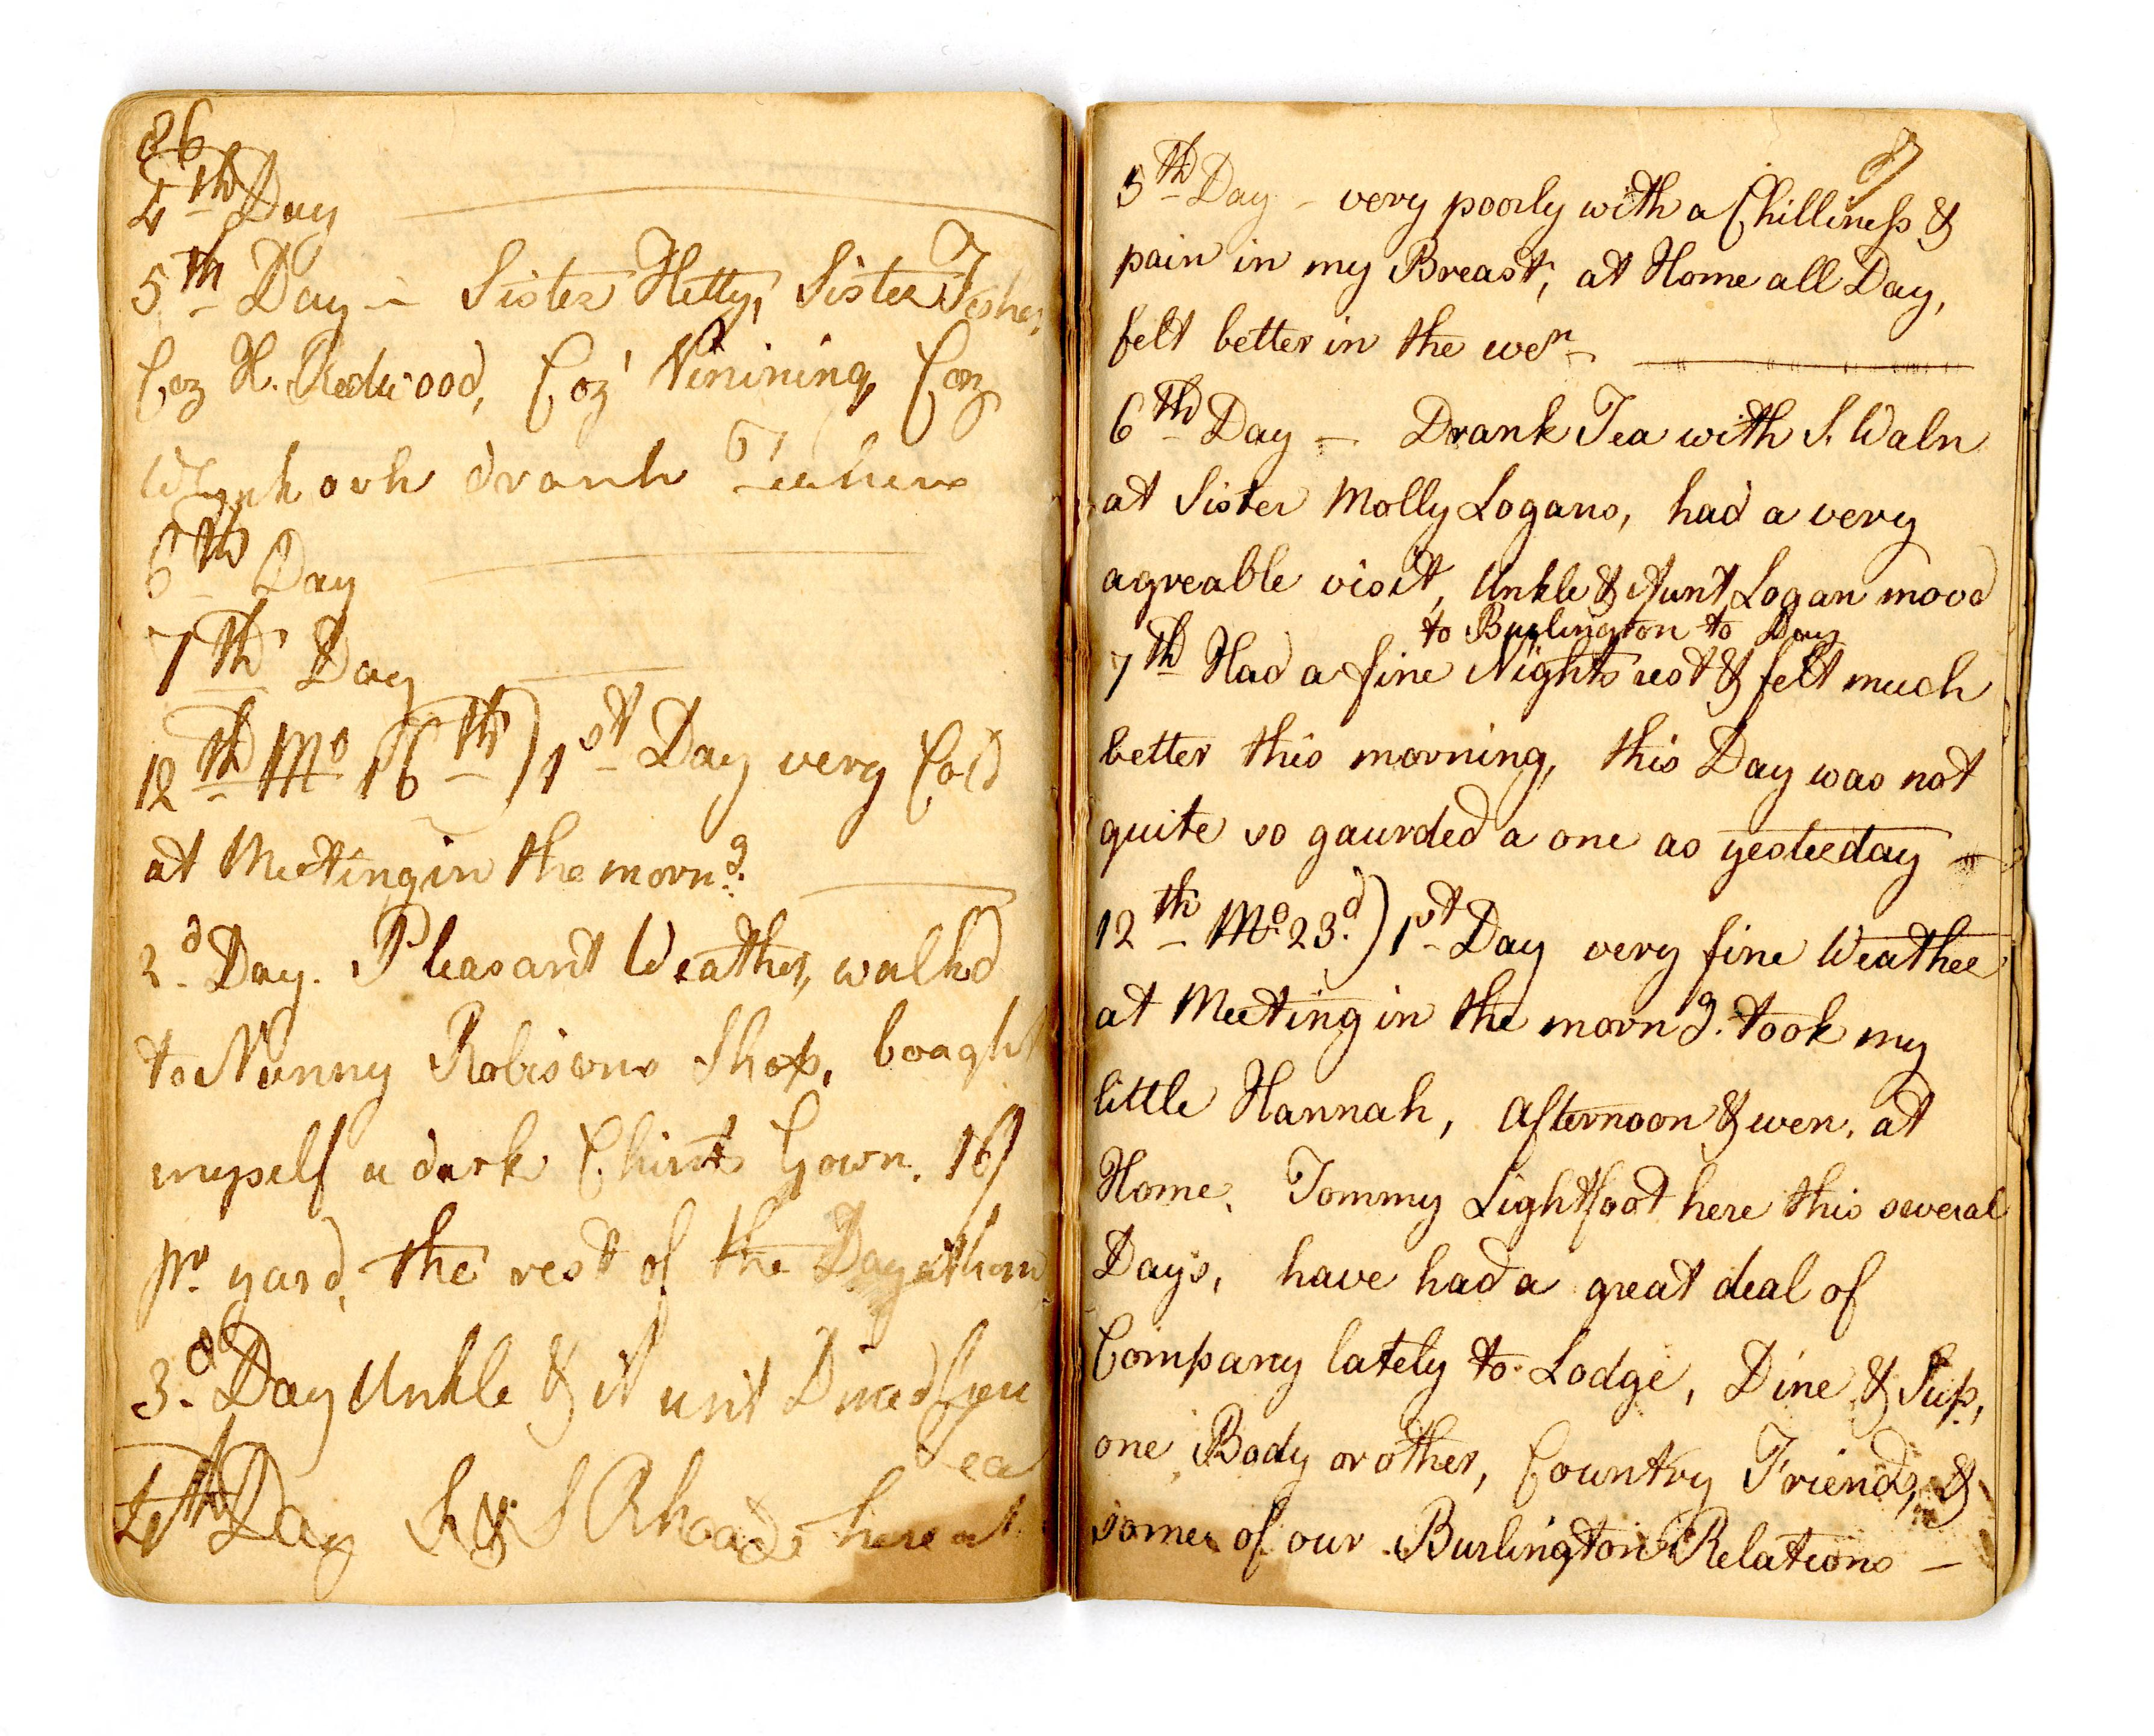4^th Day
5^th Day- Sister Hetty, Sister Fisher
Coz H. Redwood, Coz' Vinining Coz
Wynkosh drank Tea here
6^th Day
7^th Day
12^th M^o 16^th) 1^st Day very Cold
at Meeting in the morn^g
2^d Day. Pleasant Weather, walkd
to Nanny Robisons Shop, boaght
myself a dark Chints Gown, 16s
p^r yard, the rest of the Day at hom
3^d. Day Unkle & Aunt Dined here
Tea
4^th Day [S &] S Rhoads here at
5^th Day- very poorly with a Chilliness &
pain in my Breast, at Home all Day,
felt better in the eve^n
6^th Day- Drank Tea with S. Waln
at Sister Molly Logans, had a very
agreable visit, Unkle & Aunt Logan movd
to Burlington to Day
7^th Had a fine Nights rest & felt much
better this morning, this Day was not
quite so gaurded a one as yesterday-
12^th M^o 23^d.) 1^st Day very fine Weather
at Meeting in the morn^g took my
little Hannah, Afternoon & even, at
Home, Tommy Lightfoot here this several
Days, have had a great deal of
Company lately to Lodge, Dine & Sup,
one Body or other, Country Friends, &
some of our Burlington Relations